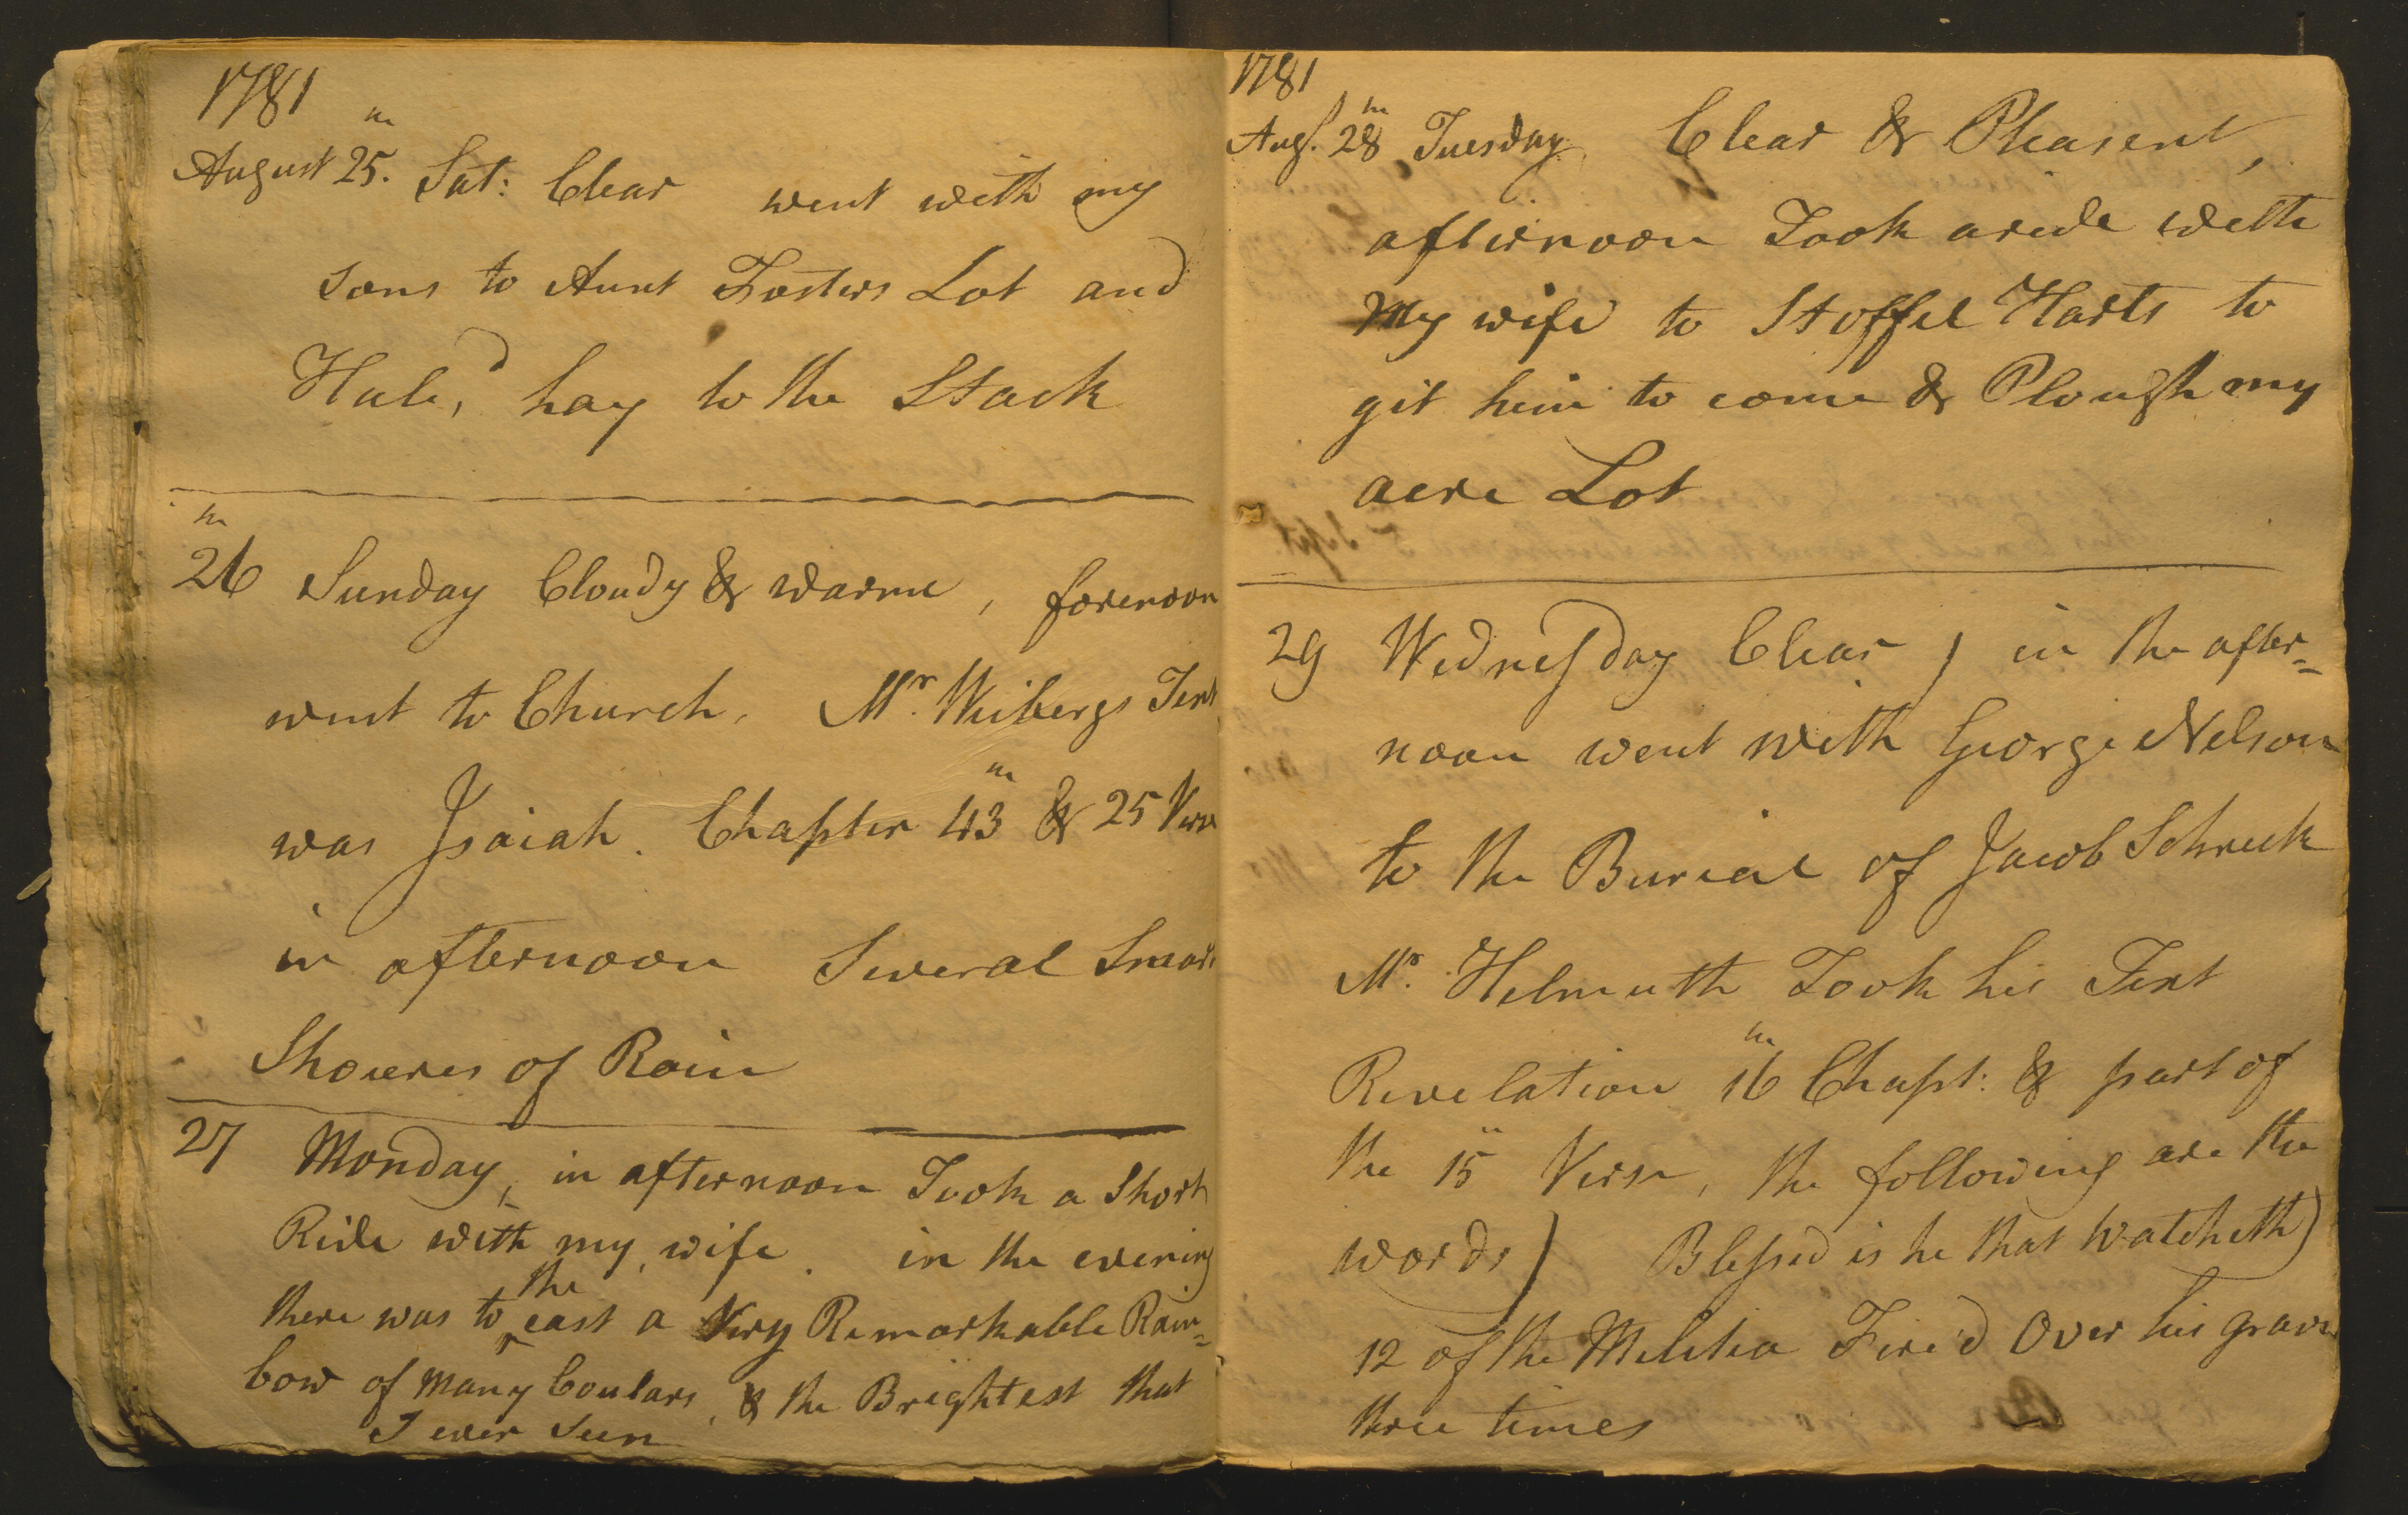1781
August 25^th. Sat: Clear went with my
Sons to Aunt Fusters Lot and
Hale^d, hay to the Stack
26. Sunday Cloudy & warme, forenoon
went to Church, M^r. Weibergs Text
was Isaiah Chapter 43^th & 25 Vers
in afternoon Several smart
Shoures of Roin
27 Monday, in afternoon Took a Short
Ride with my wife in the evening
the
there was to ^ east a Very Remarkable Rain
bow of Many Coulars & the Brightest that
I ever seen
1781
Aug^t. 28^th Tuesday. Clear & Pleasent
afternoon Took a ride with
My wife to Stoffel Harts to
git him to come & Plough my
acre Lot
29 Wednesday Clear, in the after
noun went with George Nelson
to the Burial of Jacob Schreck
M^r. Helmuth Took his Text
Revelation 16^th Chapt: & part of
The 15^th Verse, the following are the
words) Blessed is he that watcheth)
12 of the Militia Fire'd over his grave
three times